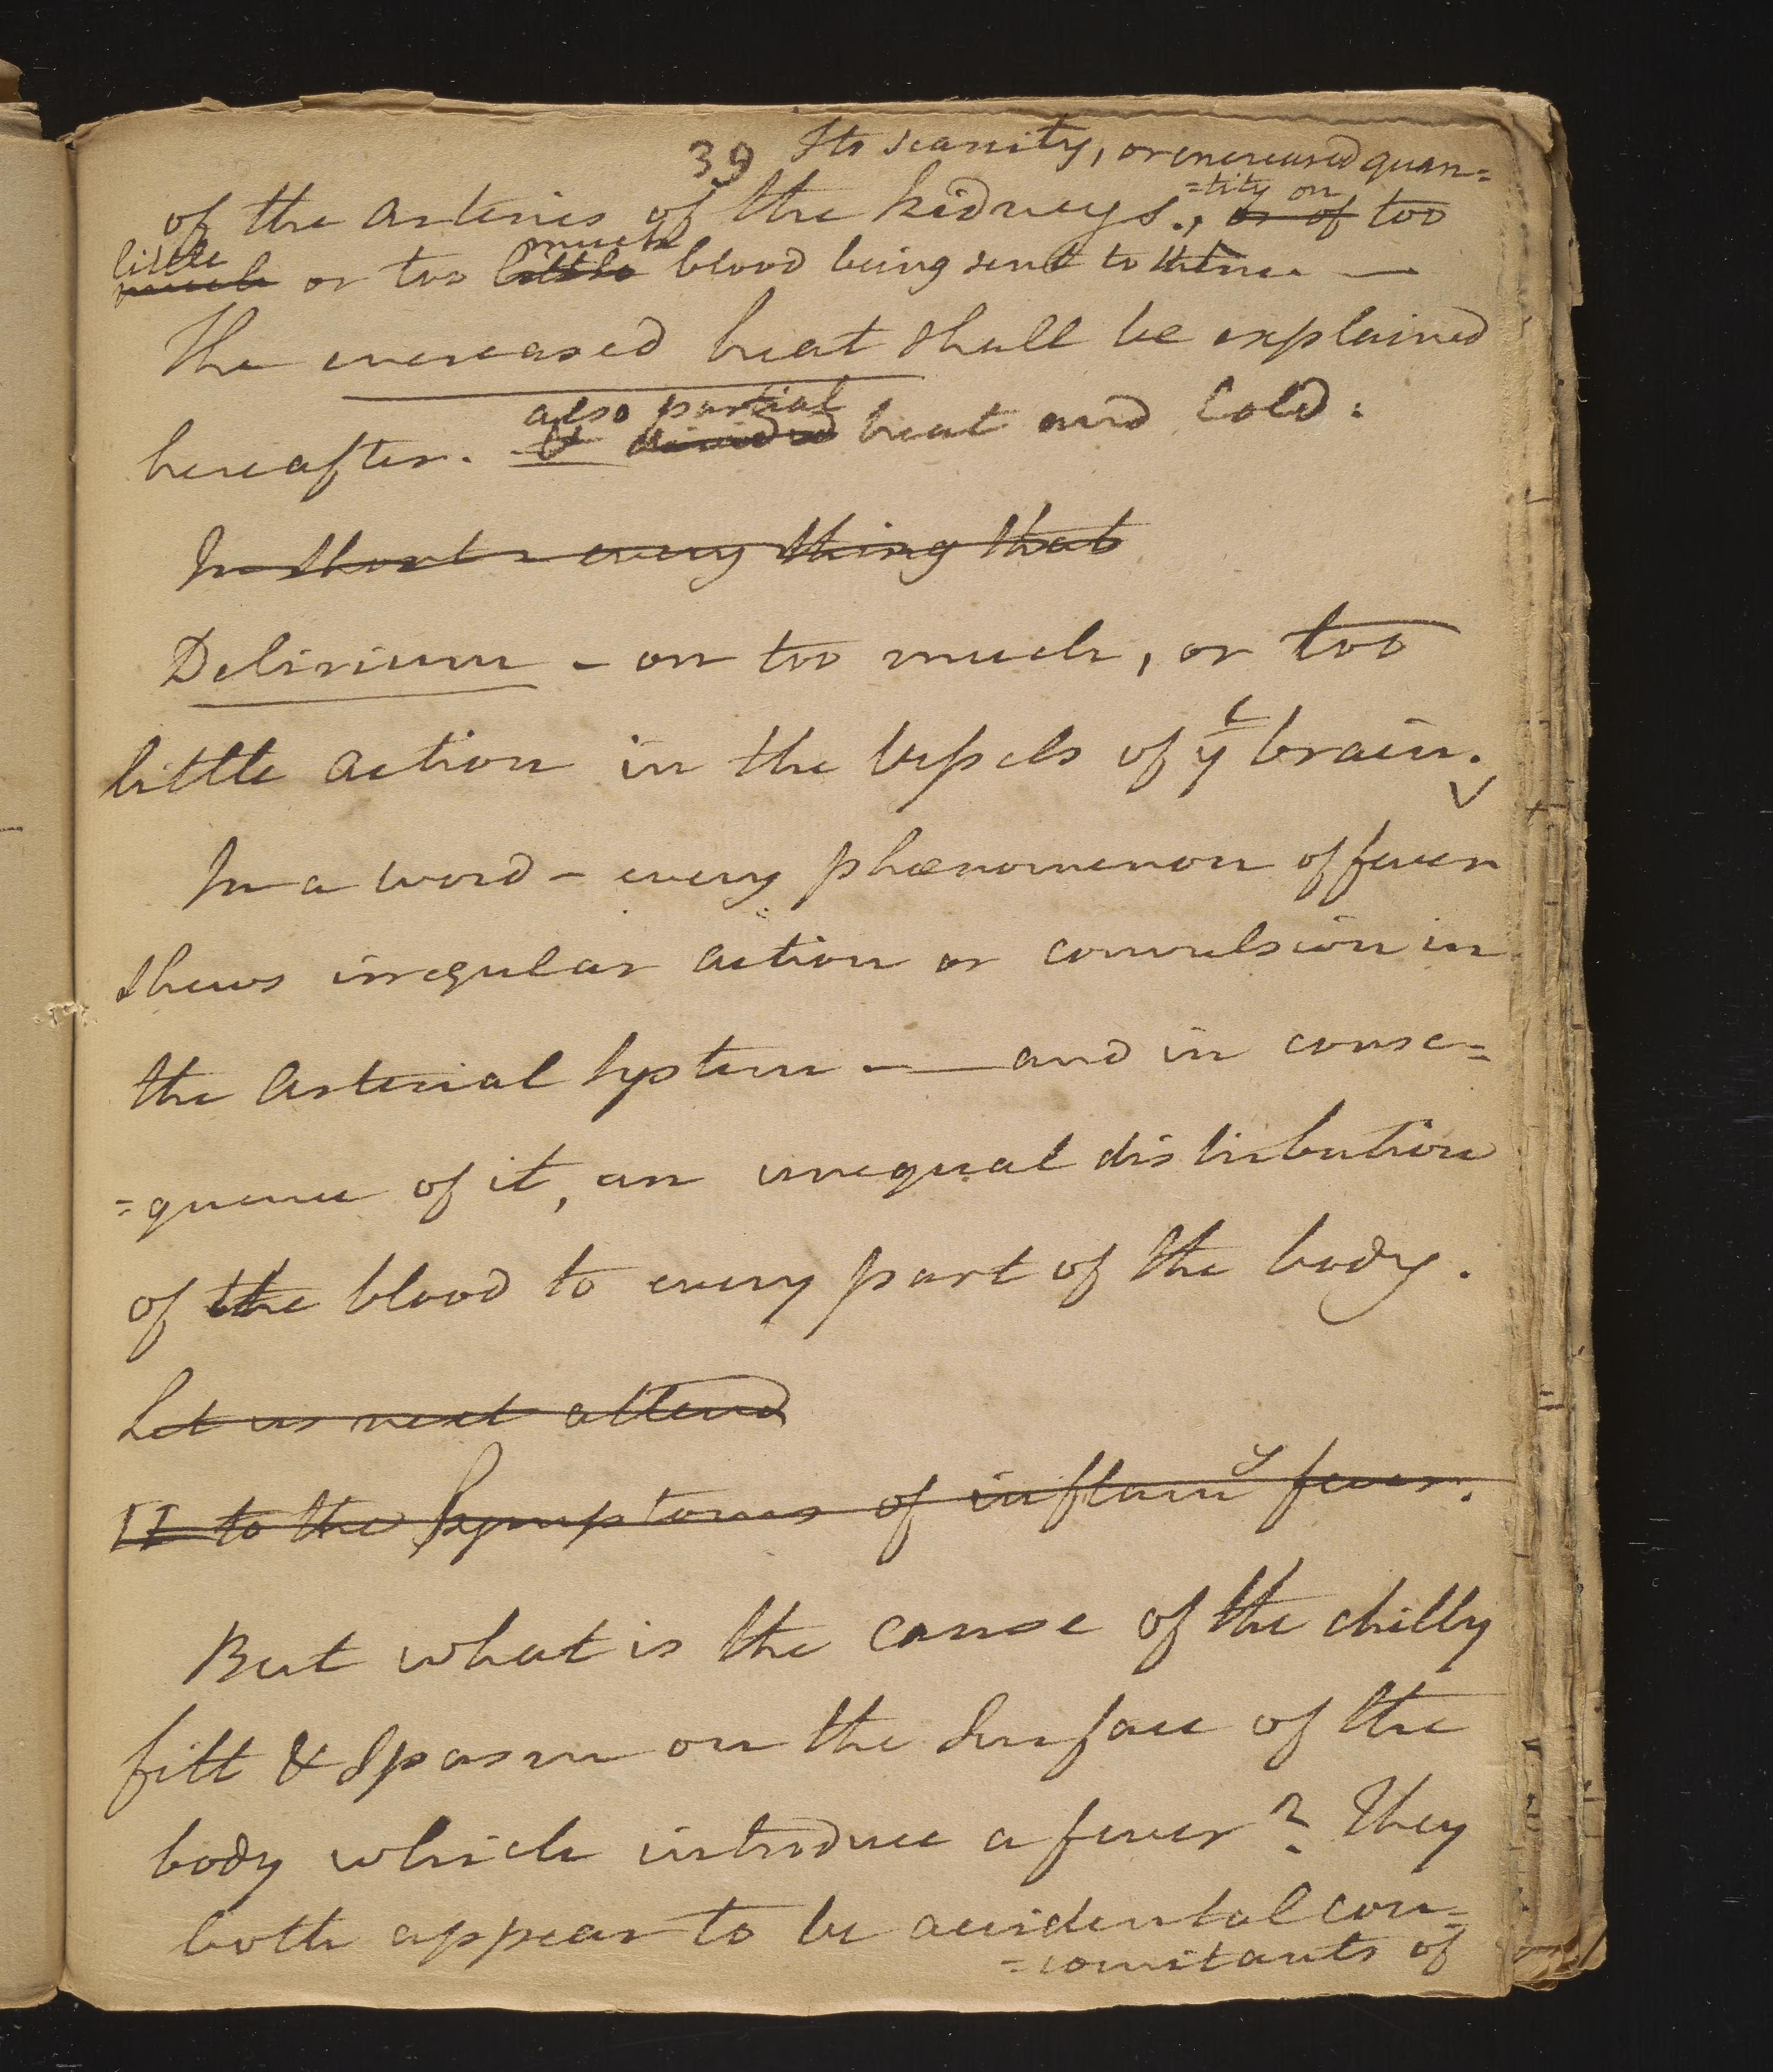39
Its scarcity, or encreased quan-
-tity on
of arteries of the kidneys., [or of] too
little
much
[much] or too [little] blood being sent to there.-
The encreased heat shall be explained
also partial
hereafter. [& divided] heat and cold
In short every thing that
Delirium, on too much, or too
little action in the vessels of y^e brain.
In a word, every phenomenon of fever
shews irregular action or convulsion in
the arterial system, and in conse-
-quence of it, an unequal distribution
of the blood to every part of the body.
But what is the cause of the chilly
fitt & spasm on the surface of the
body which introduce a fever? They
both appear to be accidental con-
-comitants of